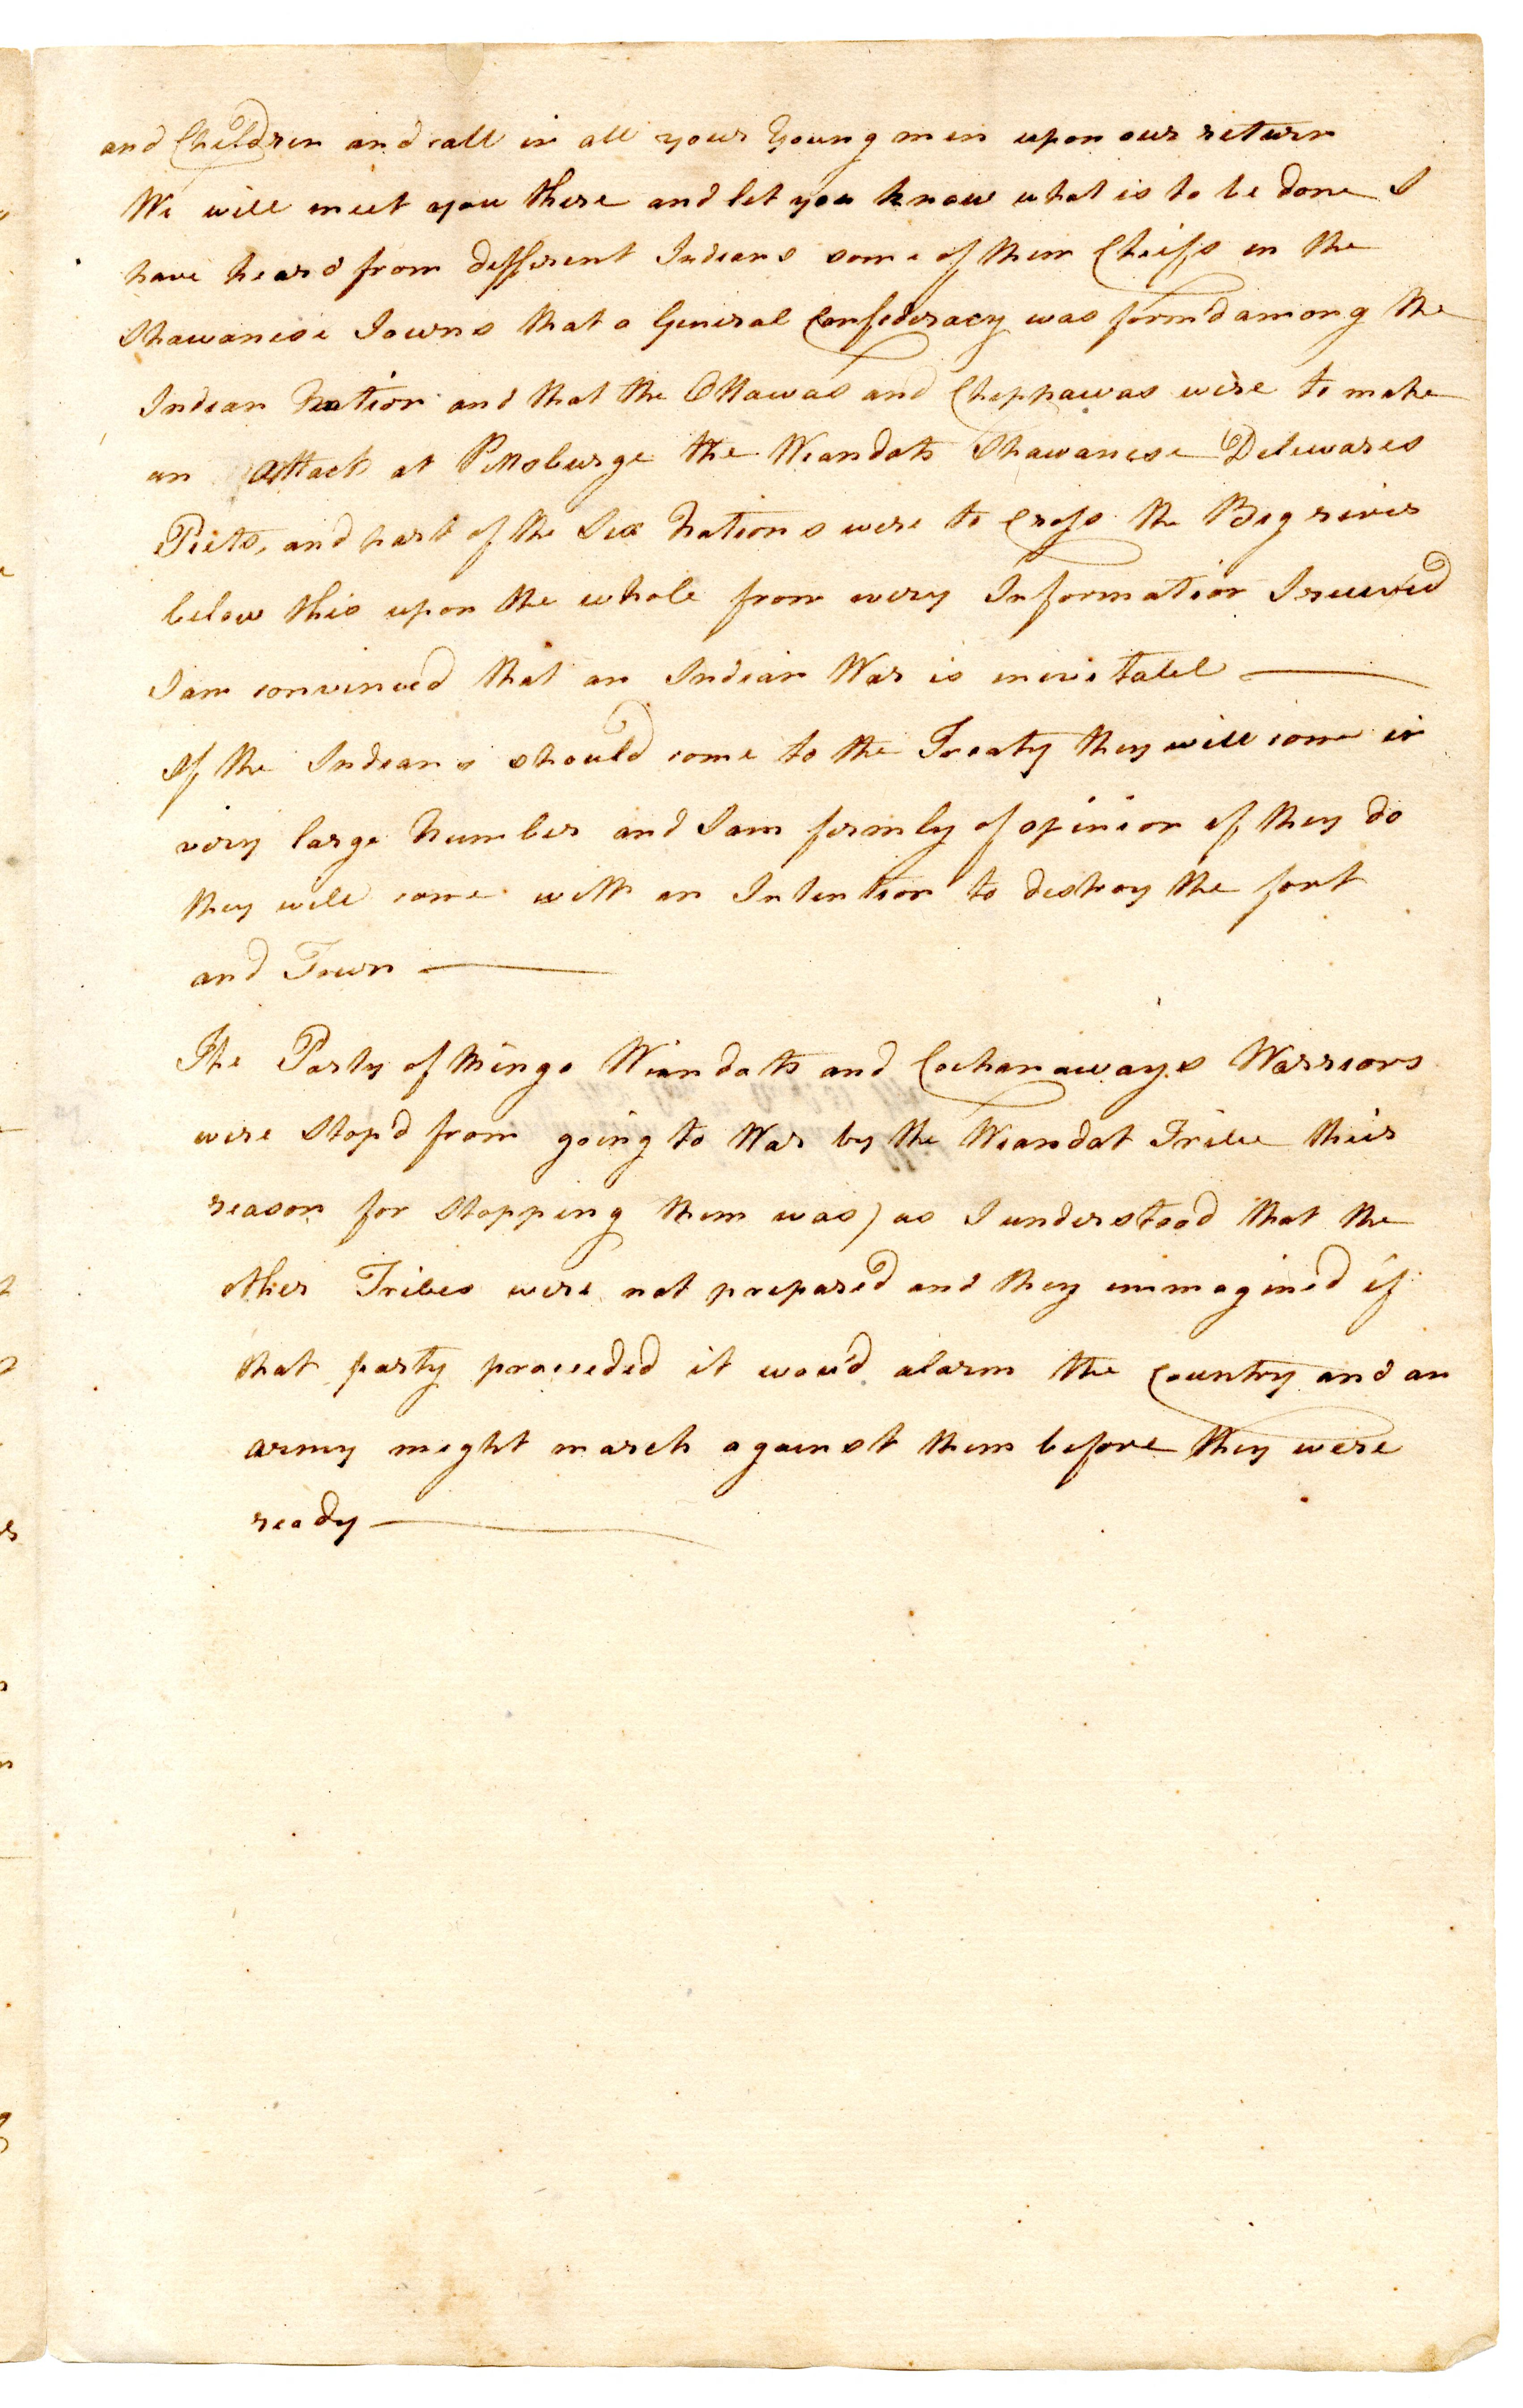and Children and call in all your Young men upon our return
We will meet you there and let you know what is to be done I
have heard from different Indians some of their Chiefs in the
Shawanese Towns that a General Confederacy was form'd among the
Indian Nation and that the Ottawas and Chippawas were to make
an Attack at Pittsburge the Wiandats Shawanese Delawares
Pieto, and part of the Six Nations were to Cross the Big river
below this upon the whole from every Information I received
I am convinced that an Indian War is inevitable-
If the Indians should come to the Treaty they will come in
very large Number and I am firmly of opinion if they do
they will come with an Intention to destroy the fort
and Town-
The Party of Mingo Wiandats and Cochanaways Warriors
were stop'd from going to War by the Wiandat Tribe their
reason for Stopping them was, as I understood that the
other Tribes were not prepared and they immagined if
that party proceeded it wou'd alarm the Country and an
army might march against them before they were
ready-